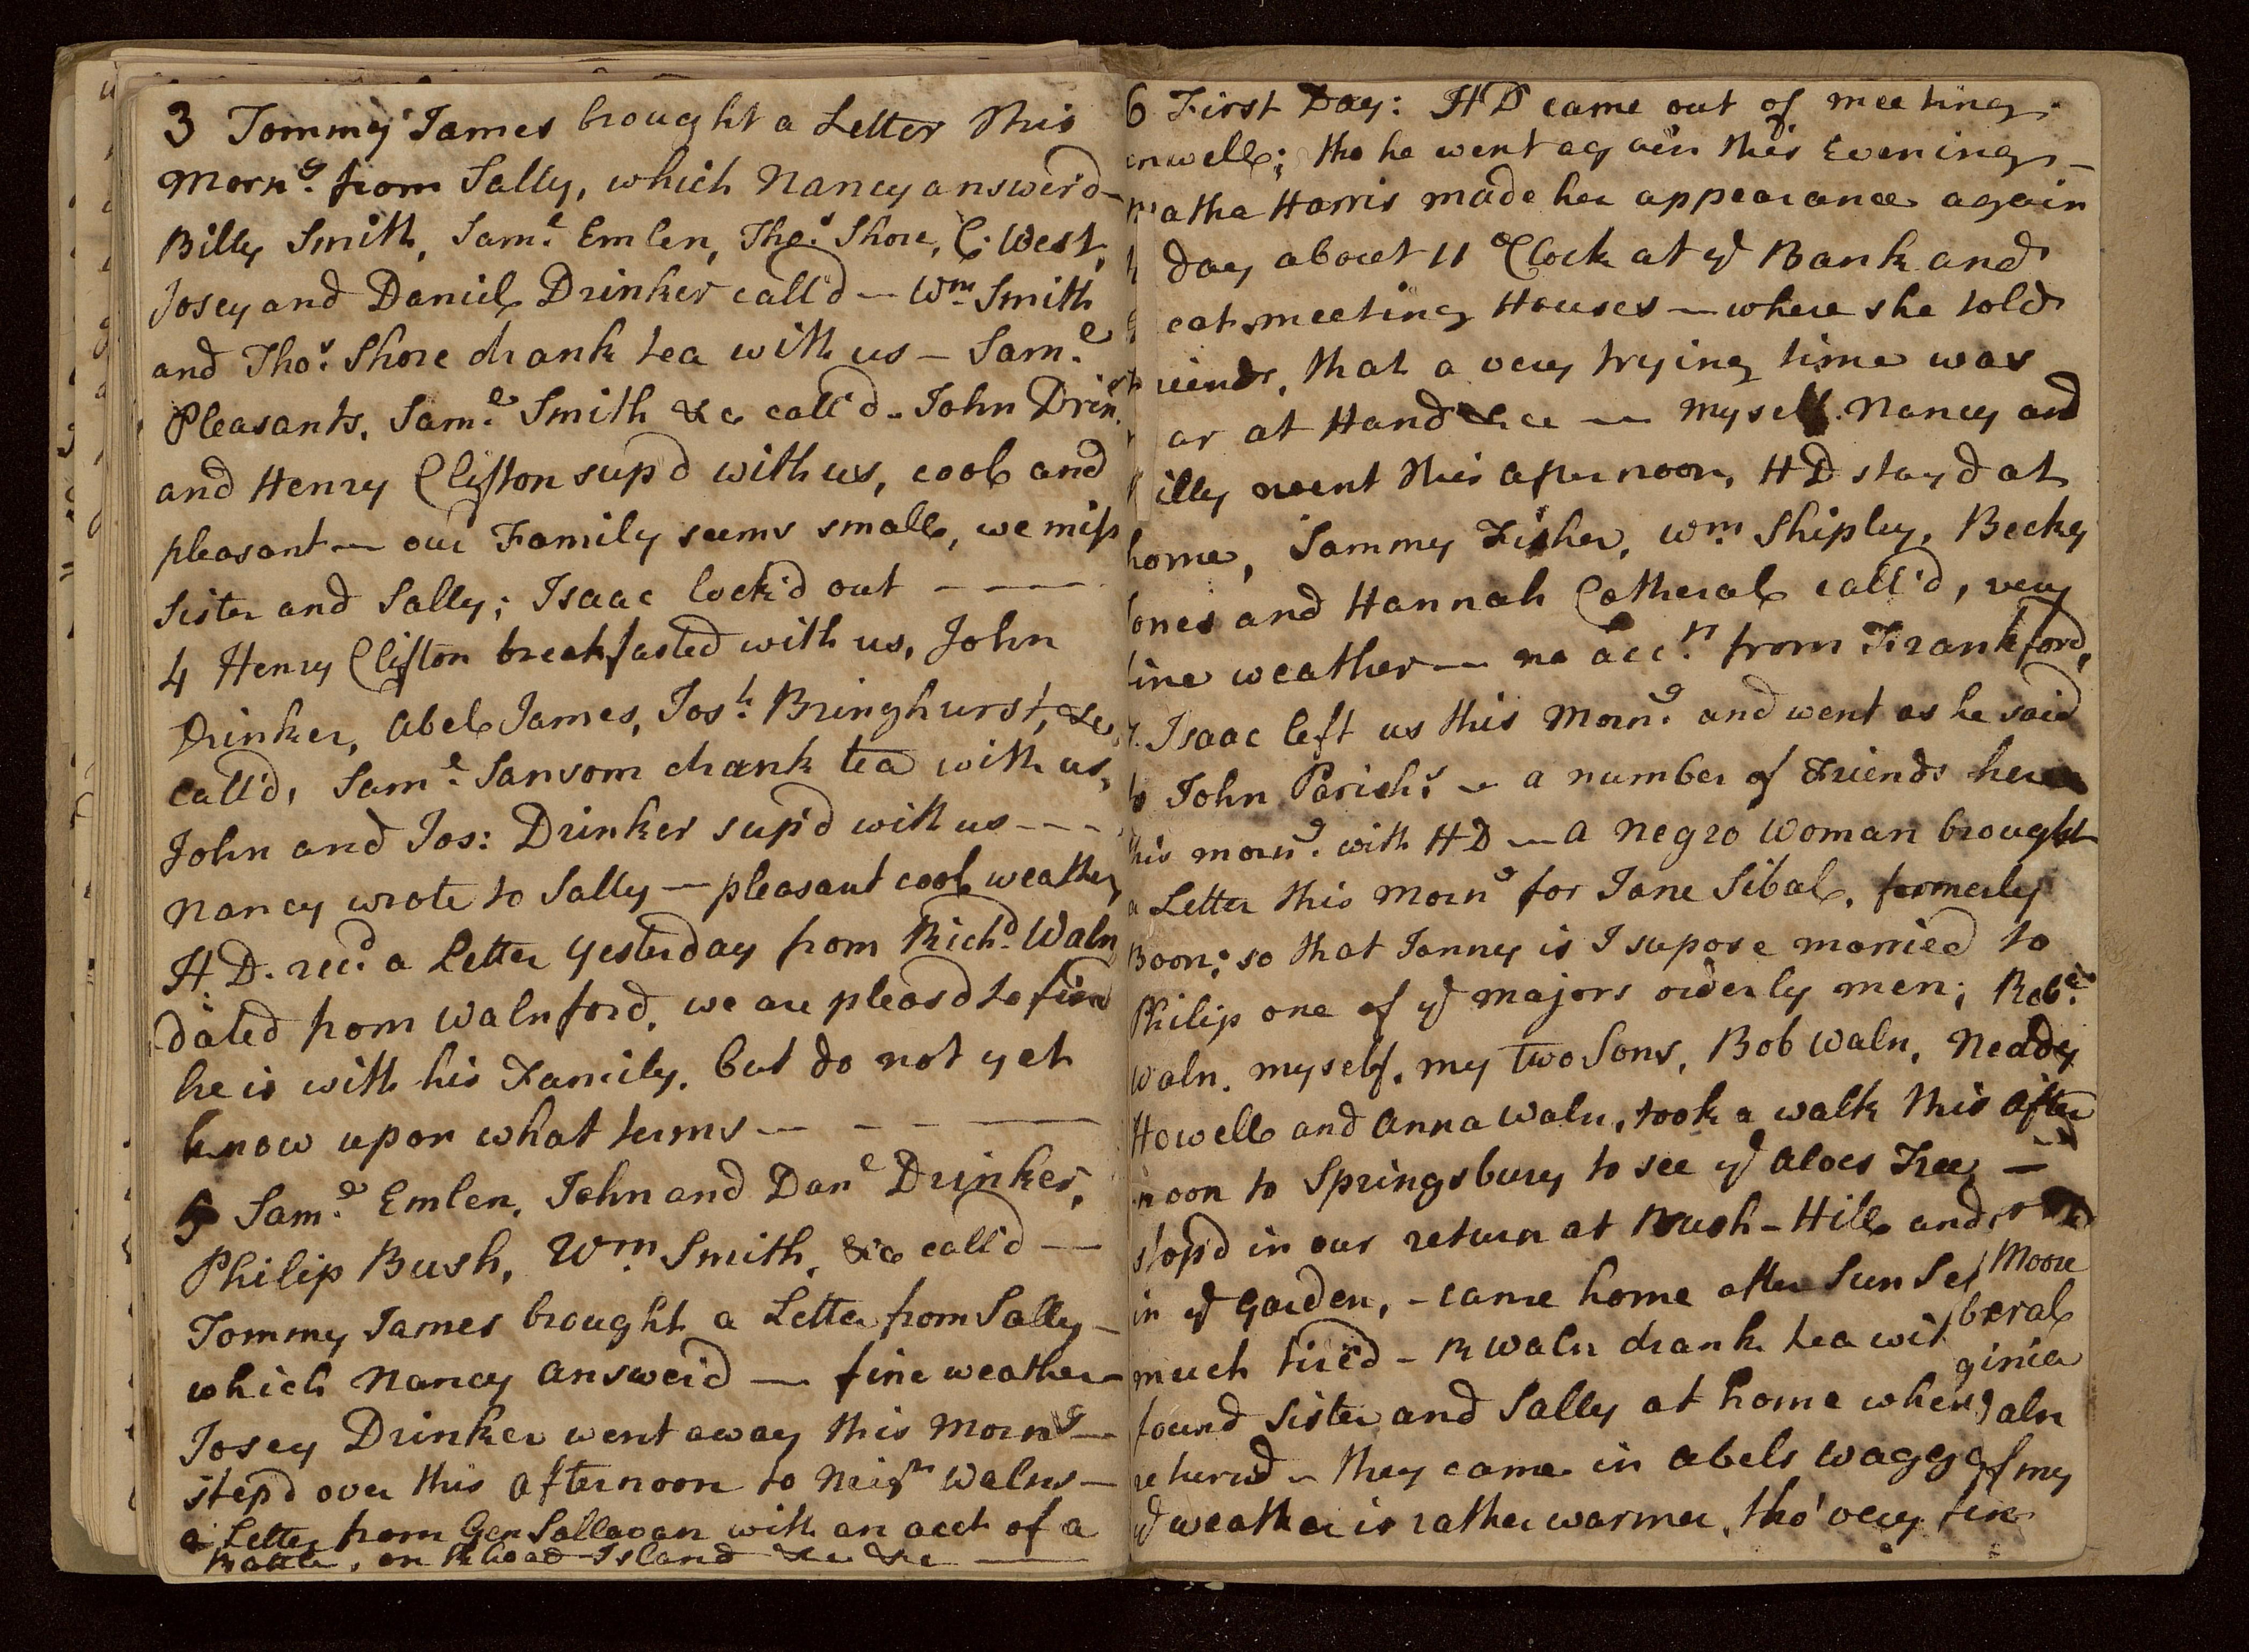3 Tommy James brought a Letter this
morn^g fom Sally, which Nancy answer'd-
Billy Smith, Sam^l. Emlen, Tho.^s Shore, C. West,
Josey and Daniel Drinker call'd- W^m. Smith
and Tho^s. Shore drank tea with us- Sam^l-
Pleasants, Sam^l. Smith &c call'd- John Drin
and Henry Clifton sup'd with us, cool and
pleasant- our Family seems small, we miss
Sister and Sally; Isaac lock'd out--
4 Henry Clifton breakfasted with us, John
Drinker, Abel James Jos^h. Bringhurst, &c
call'd, Sam^l Sansom drank tea with us
John and Jos: Drinker sup'd with us---
Nancy wrote to Sally- pleasant cool weather
H D rec.^d a Letter Yesterday from Rich^d. Waln
dated from Walnford, we are pleasd to find
he is will his Family, but do not yet
know upon what terms--
5 Sam^l. Emlen, John and Dan^l Drinker,
Philep Bush, W^m. Smith &c call'd-
Tommy James brought a Letter from Sally-
which Nancy answer'd- fine weather
Josey Drinker went away this morn^g-
step'd over this Afternoon to Neig^r Walns-
a Letter from Gen Sallavan will an acct of a
Battle, on Rhoad Island &c &c-
6 First Day: HD came out of meeting
inwell; the he went again this Evening-
Matha Harris made her appearance again
day about 11 ^o Clock at y^e Bank and
eat meeting Houses- where she told
reinds, that a very trying time was
a[s] at Hand &c- my self Nancy and
illy went this afternoon, HD stayd at
home, Sammy Fisher, W^m. Shipley, Becky
Jones and Hannah Catheral call'd, very
fine weather- no acc^t. from Frankford,
Isaac left us this Morn.^g and went as he said
to John Parish^s.- a number of Friends here
this morn.^g with HD- A negro woman brought
Letter this morn^g for Jane Sibal, formerly
Boon: so that Janny is I supose married to
Philip one of y^e majors orderly men; Rob^e
Waln. myself, my two Sons, Bob Waln, Neddy
Howell and Anna Waln, took a walk this after
noon to Springsbury to see y^e Aloes Tree-
stopd in our return at Bush- Hill and
in y^e Garden,- came home after Sun Set
much tried- R Waln drank tea wit
found Sister and Sally at home when
re hevied- they came in Abels waggo
y^e weather is rather warmer, tho' very fine